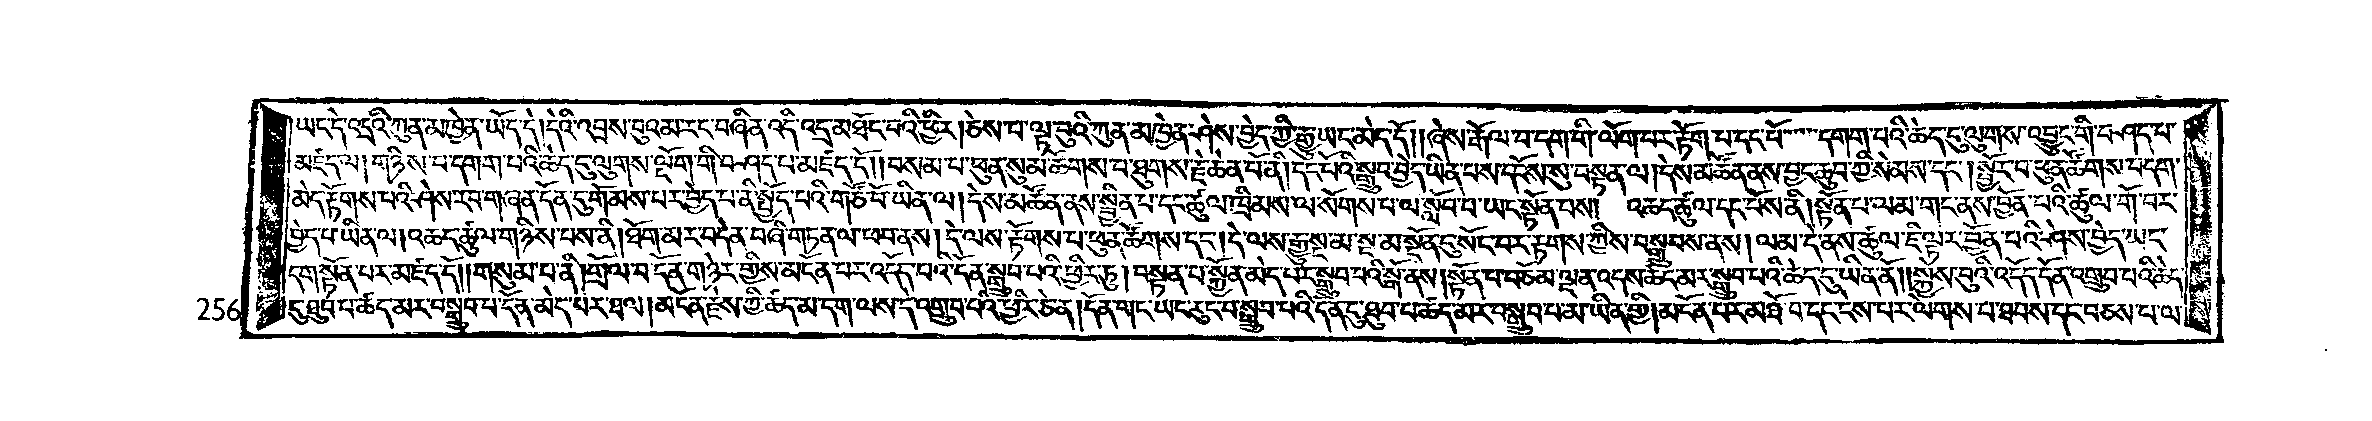ཡང་དེ་འདྲའི་ཀུན་མཁྱེན་ཡོད་དེ། དེའི་འབྲས་བུའམ་རང་བཞིན་འདི་འདྲ་མཐོང་བའི་ཕྱིར། ཅེས་པ་ལྟ་བུའི་ཀུན་མཁྱེན་ཤེས་བྱེད་ཀྱི་རྒྱུ་ཡང་མེད་དོ། །ཞེས་རྒོལ་བ་དག་གི་ལོག་པར་རྟོག་པ་དང་པོ་དགག་པའི་ཆེད་དུ་ལུགས་འབྱུང་གི་བཤད་པ་
མཛད་ལ། གཉིས་པ་དགག་པའི་ཆེད་དུ་ལུགས་ལྡོག་གི་བཤད་པ་མཛད་དོ། །བསམ་པ་ཕུན་སུམ་ཚོགས་པ་ཐུགས་རྗེ་ཆེན་པོ་ནི། དང་པོའི་སྒྲུབ་བྱེད་ཡིན་པས་དངོས་སུ་བསྟན་ལ། དེས་མཚོན་ནས་བྱང་ཆུབ་ཀྱི་སེམས་དང་། སྦྱོར་བ་ཕུན་ཚོགས་བདག་
མེད་རྟོགས་པའི་ཤེས་རབ་གཞན་དོན་དུ་གོམས་པར་བྱེད་པ་ནི་སྤྱོད་པའི་གཙོ་བོ་ཡིན་ལ། དེས་མཚོན་ནས་སྦྱིན་པ་དང་ཚུལ་ཁྲིམས་ལ་སོགས་པ་ལ་སློབ་པ་ཡང་སྟོན་པས། འཆད་ཚུལ་དང་པོས་ནི། སྟོན་པ་ལམ་གང་ནས་བྱོན་པའི་ཚུལ་གོ་བར་
བྱེད་པ་ཡིན་ལ། འཆད་ཚུལ་གཉིས་པས་ནི། ཐོག་མར་བདེན་བཞི་གཏན་ལ་ཕབ་ནས། དེ་ལས་རྟོགས་པ་ཕུན་ཚོགས་དང་། དེ་ལས་རྒྱུ་སྔ་མ་སྔ་མ་སྔོན་དུ་སོང་བར་རྟགས་ཀྱིས་བསྒྲུབས་ནས། ལམ་དེ་ནས་ཚུལ་ཇི་ལྟར་བྱོན་པའི་ཤེས་བྱེད་ཡང་
དག་སྟོན་པར་མཛད་དོ། །གསུམ་པ་ནི། གྲོལ་བ་དོན་གཉེར་གྱིས་མངོན་པར་འདོད་པའི་དོན་སྒྲུབ་པའི་ཕྱིར་ཏུ། བསྟན་པ་སྐྱོན་མེད་པར་སྒྲུབ་པའི་སྒོ་ནས། སྟོན་པ་བཅོམ་ལྡན་འདས་ཚད་མར་སྒྲུབ་པའི་ཆེད་དུ་ཡིན་ནོ། །སྐྱེས་བུའི་འདོད་དོན་འགྲུབ་པའི་ཆེད་
དུ་ཐུབ་པ་ཚད་མར་བསྒྲུབ་པ་དོན་མེད་པར་ཐལ། མངོན་རྗེས་ཀྱི་ཚད་མ་དག་ལས་དེ་འགྲུབ་པའི་ཕྱིར་ཅེ་ན། དོན་གང་ཡང་རུང་བ་སྒྲུབ་པའི་དོན་དུ་ཐུབ་པ་ཚད་མར་བསྒྲུབ་པ་མ་ཡིན་གྱི། མངོན་པར་མཐོ་བ་དང་ངེས་པར་ལེགས་པ་ཐབས་དང་བཅས་པ་ལ་